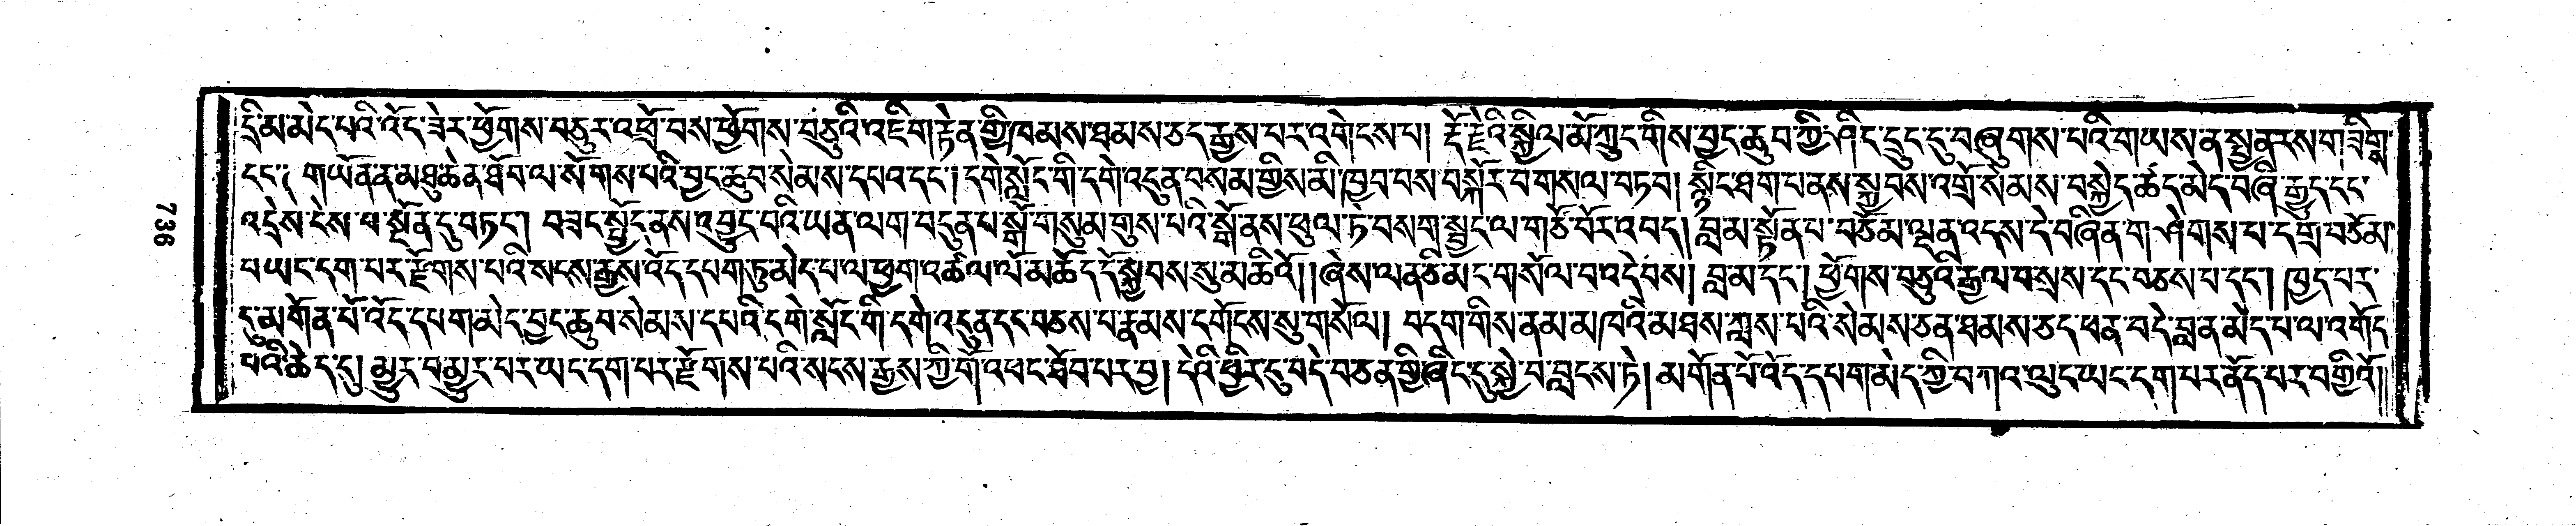དྲི་མ་མེད་པའི་འོད་ཟེར་ཕྱོགས་བཅུར་འཕྲོ་བས་ཕྱོགས་བཅུའི་འཇིག་རྟེན་གྱི་ཁམས་ཐམས་ཅད་རྒྱས་པར་འགེངས་པ། རྡོ་རྗེའི་སྐྱིལ་མོ་ཀྲུང་གིས་བྱང་ཆུབ་ཀྱི་ཤིང་དྲུང་དུ་བཞུགས་པའི་གཡས་ན་སྤྱན་རས་གཟིགས་
དང་། གཡོན་ན་མཐུ་ཆེན་ཐོབ་ལ་སོགས་པའི་བྱང་ཆུབ་སེམས་དཔའ་དང་། དགེ་སློང་གི་དགེ་འདུན་བསམ་གྱིས་མི་ཁྱབ་པས་བསྐོར་བ་གསལ་བཏབ། སྙིང་ཐག་པ་ནས་སྐྱབས་འགྲོ་སེམས་བསྐྱེད་ཚད་མེད་བཞི་རྒྱུད་དང་
འདྲེས་ངེས་པ་སྔོན་དུ་བཏང་། བཟང་སྤྱོད་ནས་འབྱུང་བའི་ཡན་ལག་བདུན་པ་སྒོ་གསུམ་གུས་པའི་སྒོ་ནས་ཕུལ་ཏེ་བསག་སྦྱང་ལ་གཙོ་བོར་འབད། བླ་མ་སྟོན་པ་བཅོམ་ལྡན་འདས་དེ་བཞིན་གཤེགས་པ་དགྲ་བཅོམ་
པ་ཡང་དག་པར་རྫོགས་པའི་སངས་རྒྱས་འོད་དཔག་ཏུ་མེད་པ་ལ་ཕྱག་འཚལ་ལོ་མཆོད་དོ་སྐྱབས་སུ་མཆིའོ། །ཞེས་ལན་ཅི་མང་གསོལ་བ་འདེབས། བླ་མ་དང་། ཕྱོགས་བཅུའི་རྒྱལ་བ་སྲས་དང་བཅས་པ་དང་། ཁྱད་པར་
དུ་མགོན་པོ་འོད་དཔག་མེད་བྱང་ཆུབ་སེམས་དཔའི་དགེ་སློང་གི་དགེ་འདུན་དང་བཅས་པ་རྣམས་དགོངས་སུ་གསོལ། བདག་གི་ནམ་མཁའི་མཐས་ཀླས་པའི་སེམས་ཅན་ཐམས་ཅད་ཕན་བདེ་བླ་ན་མེད་པ་ལ་འགོད་
པའི་ཆེད་དུ། མྱུར་བ་མྱུར་བར་ཡང་དག་པར་རྫོགས་པའི་སངས་རྒྱས་ཀྱི་གོ་འཕང་ཐོབ་པར་བྱ། དེའི་ཕྱིར་དུ་བདེ་བ་ཅན་གྱི་ཞིང་དུ་སྐྱེ་བ་བླངས་ཏེ། མགོན་པོ་འོད་དཔག་མེད་ཀྱི་བཀའ་ལུང་ཡང་དག་པར་ནོད་པར་བགྱིའོ། །